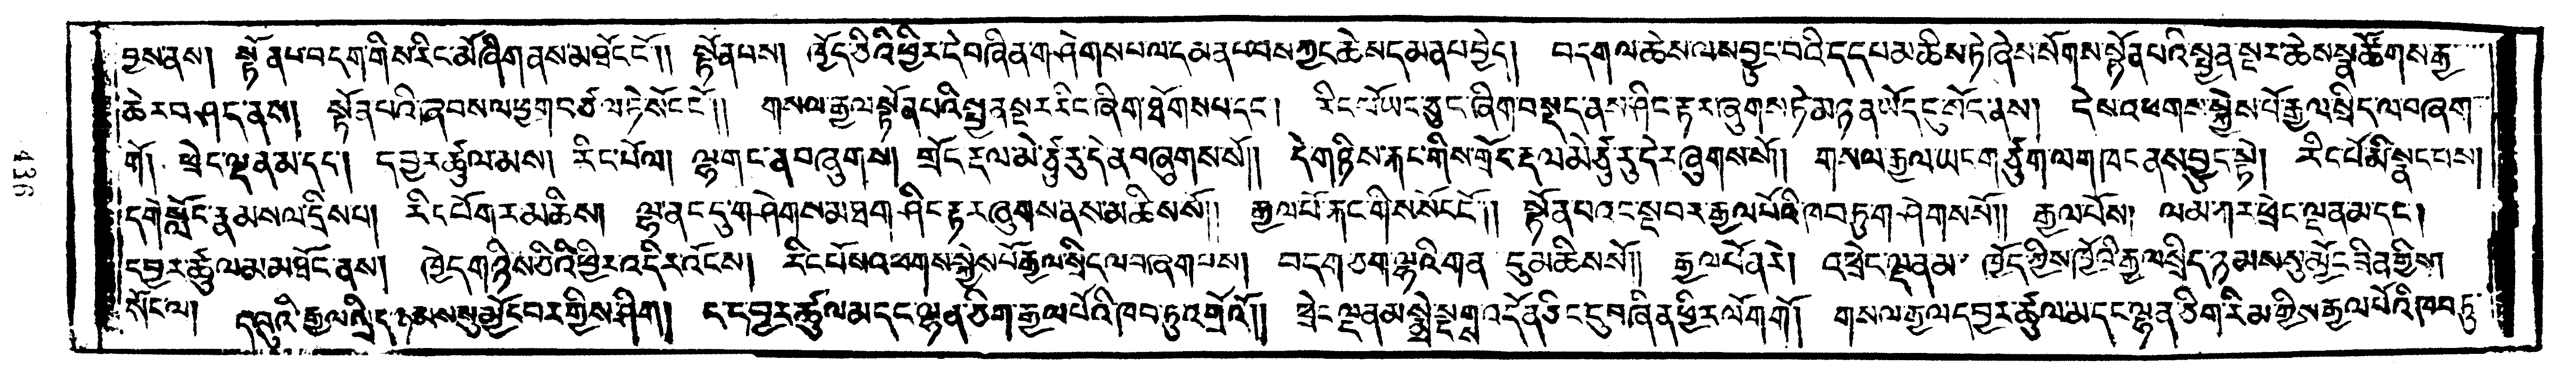བྱས་ནས། སྟོན་པ་བདག་གིས་རིང་མོ་ཞིག་ནས་མཐོང་ངོ།། སྟོན་པས། ཁྱོད་ཅིའི་ཕྱིར་དེ་བཞིན་གཤེགས་པ་ལ་དམན་བབས་ཀྱང་ཆེས་དམན་པ་བྱེད། བདག་ལ་ཆེས་ལས་བྱུང་བའི་དད་པ་མཆིས་ཏེ་ཞེས་སོགས་སྟོན་པའི་སྤྱན་སྔར་ཆེས་སྣ་ཚོགས་རྒྱ་
ཆེར་བཤད་ནས། སྟོན་པའི་ཞབས་ལ་ཕྱག་བཙལ་ཏེ་སོང་ངོ།། གསལ་རྒྱལ་སྟོན་པའི་སྤྱན་སྔར་རིང་ཞིག་ཐོགས་པ་དང་། རིང་པོ་ཡང་ཅུང་ཞིག་བསྡད་ནས་ཤིང་རྟར་ཞུགས་ཏེ་མཉན་ཡོད་དུ་སོང་ནས། དེས་འཕགས་སྐྱེས་པོ་རྒྱལ་སྲིད་ལ་བཞག་
གོ། ཕྲེང་ལྡན་མ་དང་། དབྱར་ཚུལ་མས། རིང་པོ་ལ། ལྷ་གང་ན་བཞུགས། གྲོང་རྡལ་མེ་ཙུ་རུ་དེ་ན་བཞུགས་སོ།། དེ་གཉིས་རྐང་གིས་གྲོང་རྡལ་མེ་ཙུ་རུ་དེར་ཞུགས་སོ།། གསལ་རྒྱལ་ཡང་གཙུག་ལག་ཁང་ནས་བྱུང་སྟེ། རིང་པོ་མི་སྣང་བས།
དགེ་སློང་རྣམས་ལ་དྲིས་པ། རིང་པོ་གར་མཆིས། ལྷ་ནང་དུ་གཤེགས་མ་ཐག་ཤིང་རྟར་ཞུགས་ནས་མཆིས་སོ།། རྒྱལ་པོ་རྐང་གིས་སོང་ངོ།། སྟོན་པའང་སྔ་བར་རྒྱལ་པོའི་ཁབ་ཏུ་གཤེགས་སོ།། རྒྱལ་པོས། ལམ་ཀར་ཕྲེང་ལྡན་མ་དང་།
དབྱར་ཚུལ་མ་མཐོང་ནས། ཁྱེད་གཉིས་ཅིའི་ཕྱིར་འདིར་འོངས། རིང་པོས་འཕགས་སྐྱེས་པོ་རྒྱལ་སྲིད་ལ་བཞག་པས། བདག་ཅག་ལྷའི་གན་དུ་མཆིས་སོ།། རྒྱལ་པོ་ན་རེ། འཕྲེང་ལྡན་མ་ཁྱོད་ཀྱིས་ཁྱོའི་རྒྱལ་སྲིད་ཉམས་སུ་མྱོང་ཟིན་གྱིས།
སོང་ལ། དབུའི་རྒྱལ་སྲིད་ཉམས་སུ་མྱོང་བར་གྱིས་ཤིག། ང་དབྱར་ཚུལ་མ་དང་ལྷན་ཅིག་རྒྱལ་པོའི་ཁབ་ཏུ་འགྲོའོ།། ཕྲེང་ལྡན་མ་སྨྲེ་སྔགས་འདོན་ཅིང་དུ་བཞིན་ཕྱིར་ལོག་གོ། གསལ་རྒྱལ་དབྱར་ཚུལ་མ་དང་ལྷན་ཅིག་རིམ་གྱིས་རྒྱལ་པོའི་ཁབ་ཏུ་